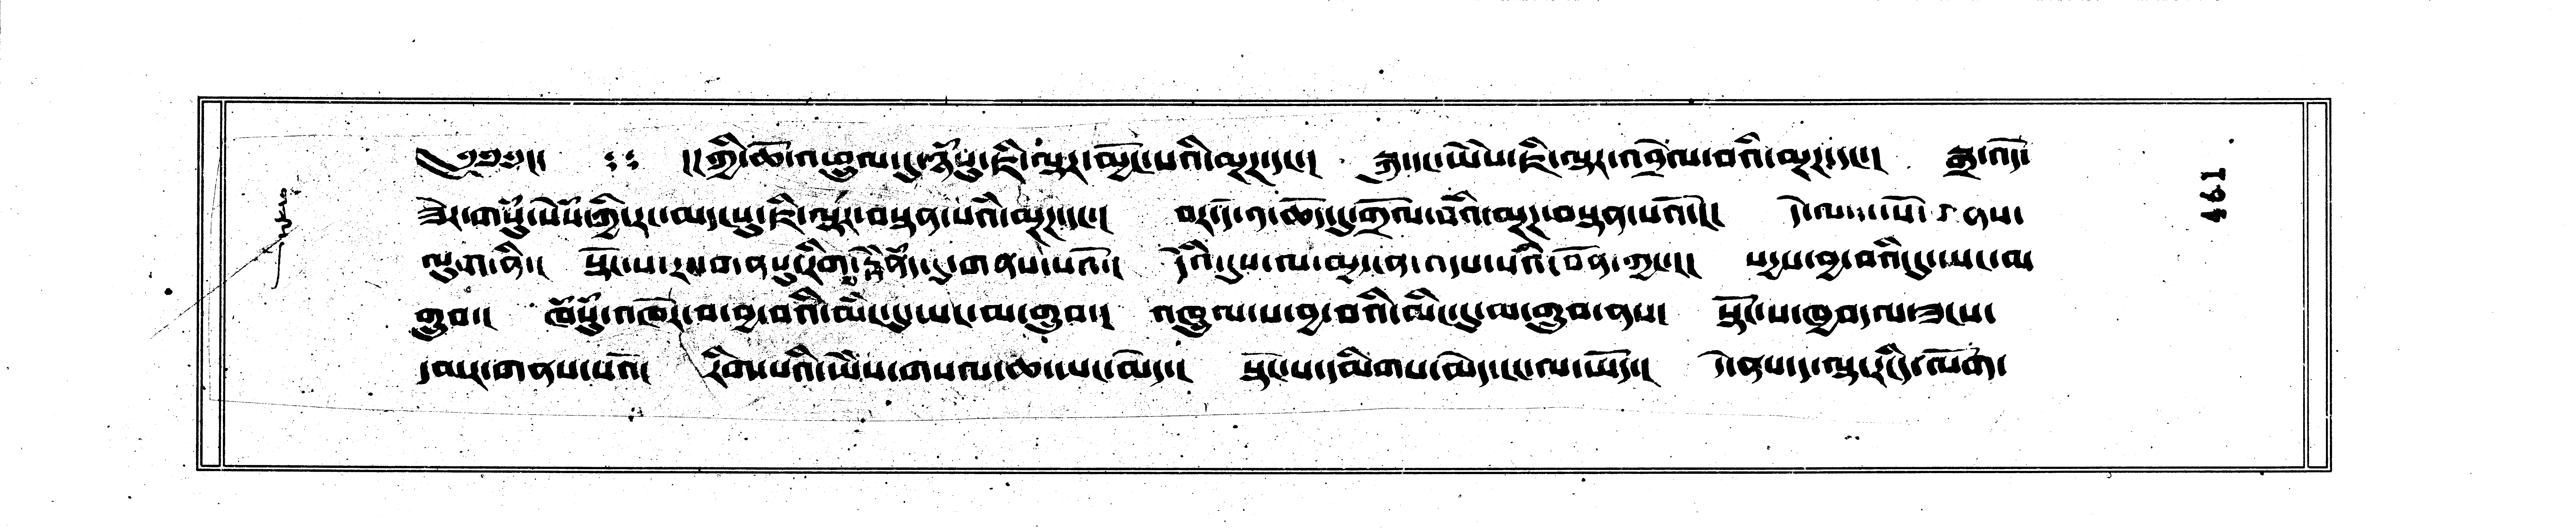ཀྱི་ཆོ་འཕྲུལ་དུ་ཉམས་སུ་ཇི་ལྟར་མྱོང་པའི་མན་ངག་དང་། སྐུ་དང་ཡེ་ཤེས་ཇི་ལྟར་འབྲེལ་བའི་མན་ངག་དང་། སྒྲ་འོད་
ཟེར་གསུམ་སེམས་ཀྱི་རང་མདངས་སུ་ཇི་ལྟར་བསྟན་པའི་མན་ངག་དང་།༽བར་དོ་གཅིག་ཆོད་དུ་གྲོལ་བའི་མེན་ངག་བསྟན་པའོ། དེ་ལ་དང་པོ་གནས་
ལུགས་ནི། སྟོང་པ་རང་གནས་སུ་རིག་པ་བརྟེན་མེད་དུ་གནས་པའོ། དེའི་དུས་ལ་མྱ་ངན་ལས་འདས་པའི་བོན་ཀྱང་མེད། སངས་རྒྱས་བྱ་བའི་མིང་དུ་ཡང་མ་
གྲུབ། ཁམས་གསུམ་འཁོར་བ་བྱ་བའི་མིང་དུ་ཡང་མ་གྲུབ། འཁྲུལ་པ་བྱ་བའི་མིང་དུ་ཡང་མ་གྲུབ། སྟོང་པ་ཁྱབ་བདལ་ཟང་
མར་གནས་པའོ། རིག་པའི་ཡེ་ཤེས་གསལ་ཆ་ཡང་མེད། སྟོང་པ་དམིགས་མེད་ངང་ལ་ཡོད། དེ་ནས་ད་ལྟ་རང་གཉིད་ལོག་